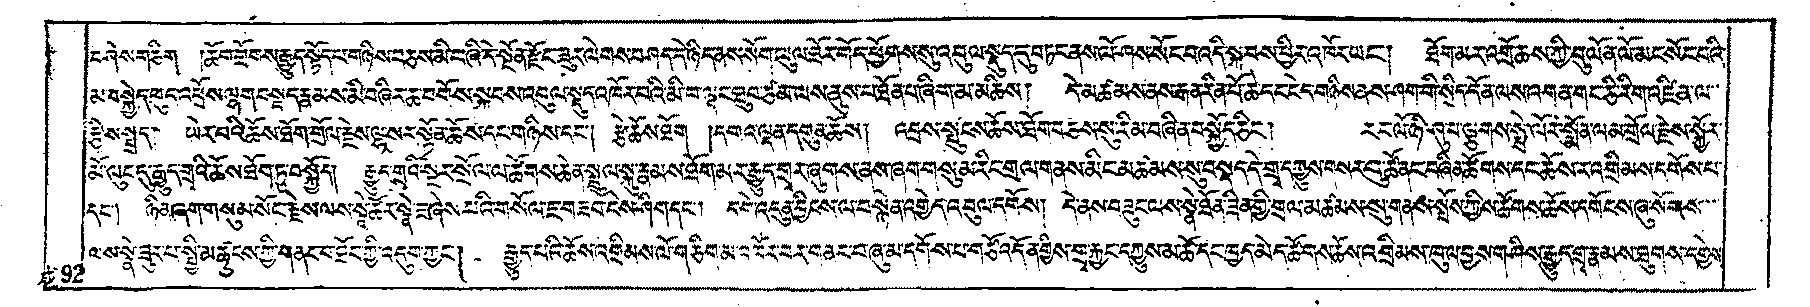བཤེས་གཅིག །ཆོག་གྲོགས་རྒྱུད་སྟོད་པ་གཉིས་བཅས་མི་བཞི་དེ་སྔོན་རྫོང་ཟུར་ལེགས་བཤད་དེ་ཉིད་ནས་སོག་ཡུལ་ཐོར་གོད་ཕྱོགས་སུ་འབུལ་སྡུད་དུ་བཏང་ནས་ལོ་ཤས་སོང་བ་འདི་སྐབས་ཕྱིར་འཁོར་ཡང་། ཐོག་མར་འགྲོ་ཆས་ཀྱི་བུ་ལོན་ལོ་མང་སོང་བའི་
མ་བསྐྱེད་ཕུད་འཕྲོས་ལྷག་བསྡད་རྣམས་མི་བཞིར་ཆ་བགོས་སྐབས་འབུལ་སྡུད་འཁོར་བའི་མི་ཁ་ལྡང་ཐུབ་ཙམ་ལས་ནུས་པ་ཐོན་པ་ཞིག་མ་མཆིས། དེ་མཚམས་ནས་རྒན་རིན་པོ་ཆེ་དང་ངེད་གཉིས་ནས་ཤག་གི་སྲིད་དོན་ལས་འགན་གང་ཅི་རིག་འཛིན་ལ་
རྩིས་སྤྲད། ཡེར་པའི་ཆོས་ཐོག་གྲོལ་རྗེས་ལྷ་སར་སྟོན་ཆོས་དང་གཉིས་དང་། རྩེ་ཆོས་ཐོག །དགའ་ལྡན་དགུ་ཆོས། འབྲས་སྤུངས་ཆོས་ཐོག་བཅས་སུ་རིམ་བཞིན་བསྐྱོད་ཅིང་། རང་ལོ་ཉི་ཤུ་པ་ལྕགས་སྤྲེ་ལོར་སྨོན་ལམ་གྲོལ་རྗེས་སྐྱོར་
མོ་ལུང་དུ་རྒྱུད་གྲྭའི་ཆོས་ཐོག་ཏུ་བསྐྱོད། རྒྱུད་གྲྭའི་སྔར་སྲོལ་ལ་ཚོགས་ཆེན་སྤྲུལ་སྐུ་རྣམས་ཐོག་མར་རྒྱུད་གྲྭར་ཞུགས་ནས་ཞག་གསུམ་རིང་གྲལ་གནས་མིང་མཚམས་སུ་བསྡད་དེ་གྲྭ་དཀྱུས་གསར་བུ་ཚོ་ནང་བཞིན་ཚོགས་དང་ཆོས་ར་འགྲིམས་དགོས་པ་
དང་། ཉིན་ཞག་གསུམ་སོང་རྗེས་ལས་སྣེ་ཚོར་སྣེ་ཇ་ཞེས་པའི་གསོལ་ཇ་གཟབ་ངེས་ཤིག་དང་། དགེ་འདུན་བྱིངས་ལ་བསྙེན་འགྱེད་འབུལ་དགོས། དེ་ནས་བཟུང་ལས་སྣེ་ཐོན་ཟིན་གྱི་གྲལ་མཚམས་སུ་གནས་སྤོས་ཀྱིས་ཚོགས་ཆོས་དགོངས་ཞུ་སོགས་
ལས་སྣེ་ཟུར་པ་སྤྱི་མཚུངས་ཀྱི་གནང་བ་ཐོབ་ཀྱི་འདུག་ཀྱང་། རྒྱུད་པའི་ཆོས་འགྲིམས་ལོ་གཅིག་མ་འཁོར་བར་གནང་བ་ཞུ་མ་དགོས་པ་གཙོ་འདོན་གྱིས་གྲྭ་རྐྱང་དཀྱུས་མཚོ་དང་ཁྱད་མེད་ཚོགས་ཆོས་འགྲིམས་ཁུལ་བྱས་གཤིས་རྒྱུད་གྲྭ་རྣམས་ཐུགས་དགྱེས་